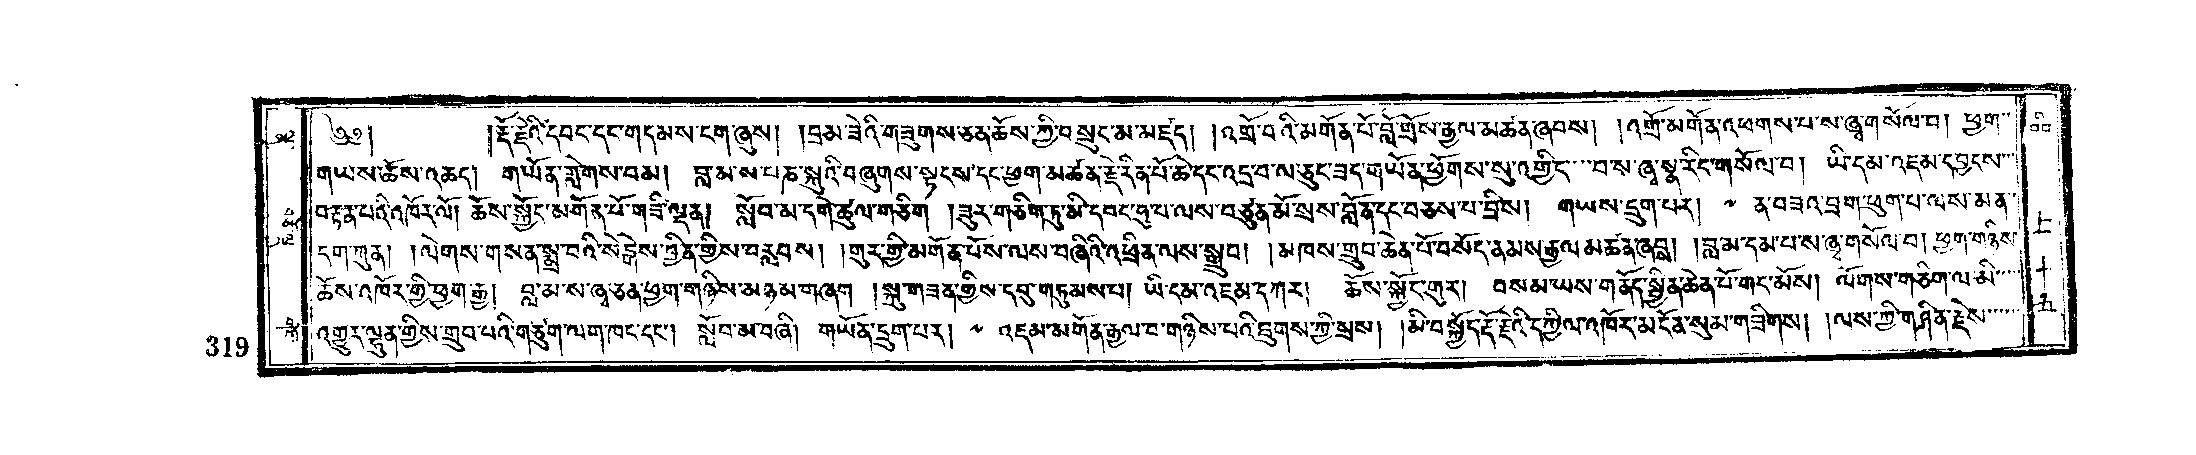༄༅། །རྡོ་རྗེའི་དབང་དང་གདམས་ངག་ཞུས། །བྲམ་ཟེའི་གཟུགས་ཅན་ཆོས་ཀྱི་བསྲུང་མ་མཛད། །འགྲོ་བའི་མགོན་པོ་བློ་གྲོས་རྒྱལ་མཚན་ཞབས། །འགྲོ་མགོན་འཕགས་པ་ས་ཞྭ་གསོལ་བ། ཕྱག་
གཡས་ཆོས་འཆད། གཡོན་གླེགས་བམ། བླ་མ་ས་པཎ་སྐུའི་བཞུགས་སྟངས་དང་ཕྱག་མཚན་རྗེ་རིན་པོ་ཆེ་དང་འདྲ་བ་ལ་ཅུང་ཟད་གཡོན་ཕྱོགས་སུ་འགྱིང་བ་ས་ཞྭ་སྣ་རིང་གསོལ་བ། ཡི་དམ་འཇམ་དབྱངས་
བརྟན་པའི་འཁོར་ལོ། ཆོས་སྐྱོང་མགོན་པོ་གཟི་ལྡན། སློབ་མ་དགེ་ཚུལ་གཅིག །ཟུར་གཅིག་ཏུ་མི་དབང་ཧུ་པ་ལས་བཙུན་མོ་སྲས་བློན་དང་བཅས་པ་བྲིས། གཡས་དྲུག་པར། ༧་ན་བཟའ་བྲག་ཕུག་པ་ལས་མན་
དག་ཀུན། །ལེགས་གསན་སྨྲ་བའི་སེངྒེས་བྱིན་གྱིས་བརླབས། །གུར་གྱི་མགོན་པོས་ལས་བཞིའི་འཕྲིན་ལས་སྒྲུབ། །མཁས་གྲུབ་ཆེན་པོ་བསོད་ནམས་རྒྱལ་མཚན་ཞབས། །བླ་མ་དག་པ་ས་ཞྭ་གསོལ་བ། ཕྱག་གཉིས་
ཆོས་འཁོར་གྱི་ཕྱག་རྒྱ། བླ་མ་ས་ཞྭ་ཅན་ཕྱག་གཉིས་མཉམ་གཞག །སྐུ་གཟན་གྱིས་དབུ་གཏུམས་པ། ཡི་དམ་འཇམ་དཀར། ཆོས་སྐྱོང་གུར། བསམ་ཡས་གནོད་སྦྱིན་ཆེན་པོ་གང་མོས། ལོགས་གཅིག་ལ་མི་
འགྱུར་ལྷུན་གྱིས་གྲུབ་པའི་གཙུག་ལག་ཁང་དང་། སློབ་མ་བཞི། གཡོན་དྲུག་པར། ༧་འཇམ་མགོན་རྒྱལ་བ་གཉིས་པའི་ཐུགས་ཀྱི་སྲས། །མི་བསྐྱོད་རྡོ་རྗེའི་དཀྱིལ་འཁོར་མངོན་སུམ་གཟིགས། །ལས་ཀྱི་གཤིན་རྗེས་